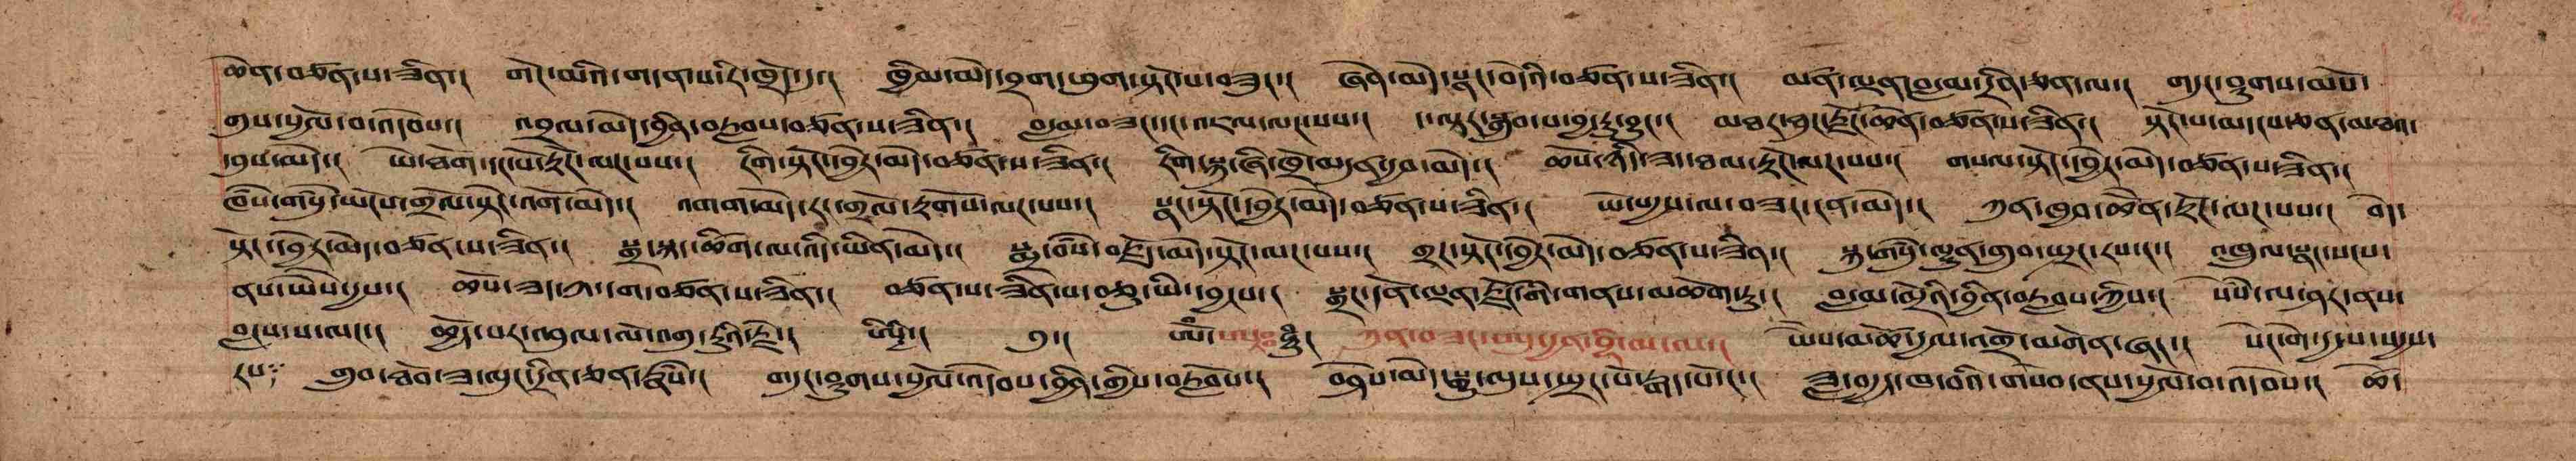ཆེན་བཙན་ས་ཟིན། གོང་མའི་གདན་ས་རི་ཁྲོད་དུ། ཁྱིམ་མེད་བྲག་ཕུག་སྟོང་པ་བཟུང་། ཞེན་མེད་སྣང་བདེའི་བཙན་ས་ཟིན། མཚན་ལྡན་བླ་མ་དྲིན་ཅན་ལ། གདུང་ཤུགས་མོས་
གུས་གསོལ་བ་འདེབས། འབྲལ་མེད་བྱིན་བརླབས་བཙན་ས་ཟིན། བླ་མ་བཟང་དང་འཇལ་ལགས་པས། ད་ལྟར་སྒྲུབ་པ་བྱ་རུ་བྱུང་། མཐར་ཐུགས་རྫོགས་ཆེན་བཙན་ས་ཟིན། སྟོང་པ་མདངས་ཅན་མཐའ་
དབུས་མེད། ཡེ་ཐོག་དང་པོ་རྟོགས་ལགས་བས། རིག་སྟོང་དབྱེར་མེད་བཙན་ས་ཟིན། རིག་སྐུ་ཞི་ཁྲོ་མདུན་རྒྱབ་མེད། ཆོས་ཉིད་ཟང་ཐལ་རྟོགས་ལགས་པས། གསལ་སྟོང་དབྱེར་མེད་བཙན་ས་ཟིན། 
ཁམས་གསུམ་ཡོངས་གྲོལ་སྟེང་འོག་མེད། འགག་མེད་རང་གྲོལ་རྟོགས་ལགས་པས། སྣང་སྟོང་དབྱེར་མེད་བཙན་ས་ཟིན། ཡེ་སངས་རྒྱས་ལ་བཟང་ངན་མེད། ཀུན་ཁྱབ་ཆེན་པོ་རྟོགས་ལགས་པས། བདེ་
སྟོང་དབྱེར་མེད་བཙན་ས་ཟིན། སྒྲ་སྐད་ཚིག་ལ་འདི་ཡིན་མེད། སྨྲ་བསམ་བརྗོད་མེད་སྟོང་ལགས་པས། གྲགས་སྟོང་དབྱེར་མེད་བཙན་ས་ཟིན། སྐུ་གསུམ་ལྷུན་གྲུབ་སྤྲང་རས་ང་། འཁྲུལ་སྣང་སངས་
ནས་ཡེ་ཤེས་རྒྱས། ཆོས་ཟད་ཀ་དག་བཙན་ས་ཟིན། བཙན་ས་ཟིན་པ་བཅུ་ཡི་དབྱངས། སྒྲགས་དོན་ལྡན་རྫོང་གི་གནས་མཆོག་ཏུ། བླ་མ་མཁའ་འགྲོའི་བྱིན་བརླབས་ཀྱིས། སེམས་ལ་ཤར་ནས་
བླངས་པ་ལགས། ཆྱོད་པར་འབུལ་ལོ་འགུ་རུའི་རྗེ། ཨིཊི། ༄་། ཨོཾ་ཨཱཿ. ཧཱུཾ། ཀུན་བཟང་ཨུ་རྒྱན་བྷི་མ་ལ། ཡེ་ཤེས་མཚོ་རྒྱལ་འགྲོ་མགོན་ཞང་། སེང་གེ་རྒྱ་པ་སངས་རྒྱས་
རས༑གྲུབ་ཐོབ་ཟ་ལུང་དྲིན་ཅན་རྣམས། གདུང་ཤུགས་གསོལ་འདེབས་བྱིན་གྱིས་བརློབས། བཤེས་མེད་སྒྱུ་ལུས་སྤྲང་པོ་རྒད་པོ་ང་། ཟླ་བརྒྱད་ཁ་བའི་གསེབ་ནས་གསོལ་བ་འདེབས། ཚེ་